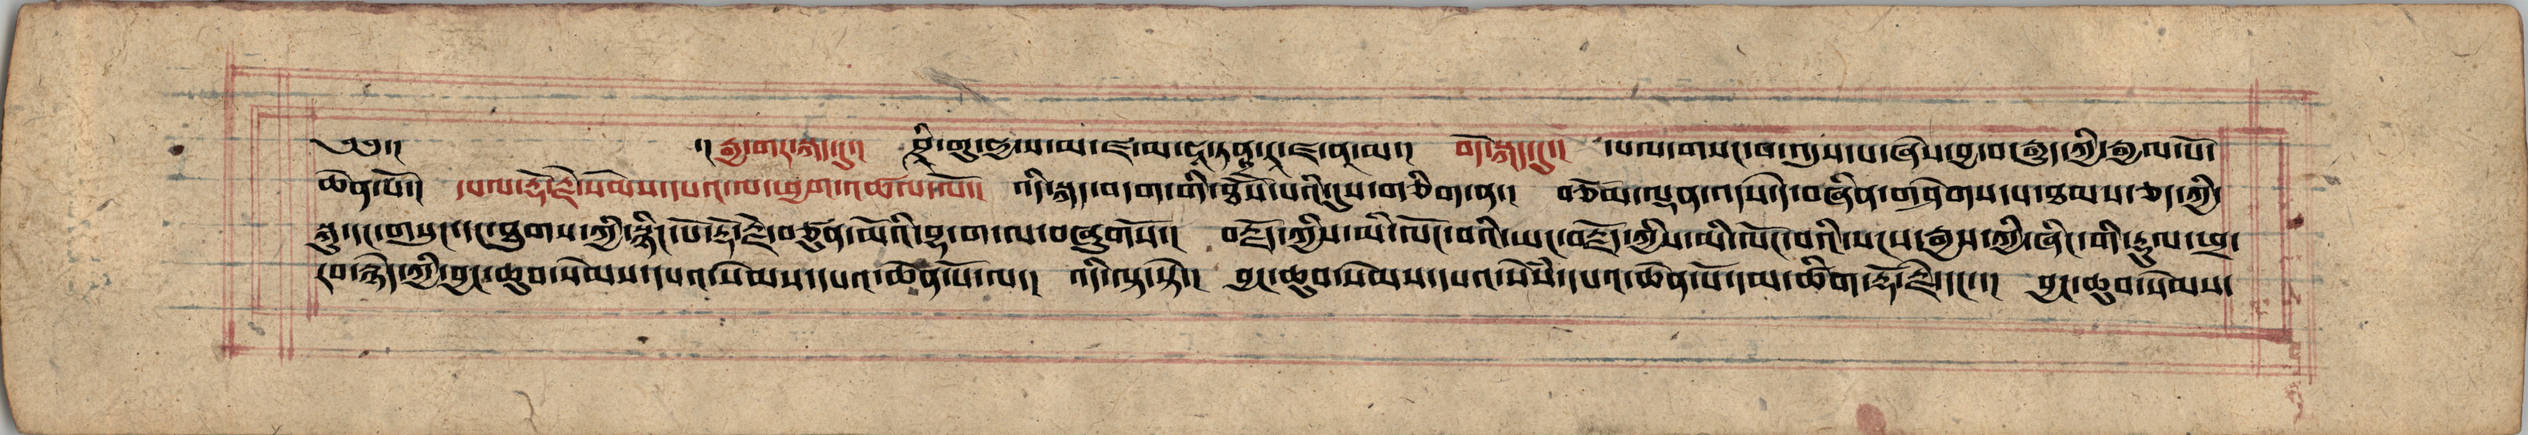༄༅་། ་།རྒྱ་གར་སྐད་དུ་། ཤྲི་གུ་ཧྱ་ས་མ་ཛ་མ་ཧཱ་ཏནྟྲ་རཱ་ཛ་ནཱ་མ་། བོད་སྐད་དུ་། དཔལ་གསང་བ་འདུས་པ་ཞེས་བྱ་བ་རྒྱུད་ཀྱི་རྒྱལ་པོ་
ཆེན་པོ་། དཔལ་རྡོ་རྗེ་སེམས་དཔའ་ལ་ཕྱག་འཚལ་ལོ་། འདི་སྐད་བདག་གི་ཐོས་པའི་དུས་གཅིག་ན་། བཅོམ་ལྡན་འདས་དེ་བཞིན་གཤེགས་པ་ཐམས་ཅད་ཀྱི་
སྐུ་དང་གསུང་དང་ཐུགས་ཀྱི་སྙིང་པོ་རྡོ་རྗེ་བཙུན་མོའི་བྷ་ག་ལ་བཞུགསོ་། བརྗོད་ཀྱིས་མི་ལོང་བའི་ཡང་བརྗོད་ཀྱིས་མི་ལོང་བའི་སངས་རྒྱས་ཀྱི་ཞིང་གི་རྡུལ་ཕྲ་
རབ་སྙེད་ཀྱི་བྱང་ཆུབ་སེམས་དཔའ་སེམས་དཔའ་ཆེན་པོ་ལ་། འདིལྟ་སྟེ་། བྱང་ཆུབ་སེམས་དཔའ་སེཾས་དཔའ་ཆེན་པོ་དམ་ཚིག་རྡོ་རྗེ་དང་་། བྱང་ཆུབ་སེམས་